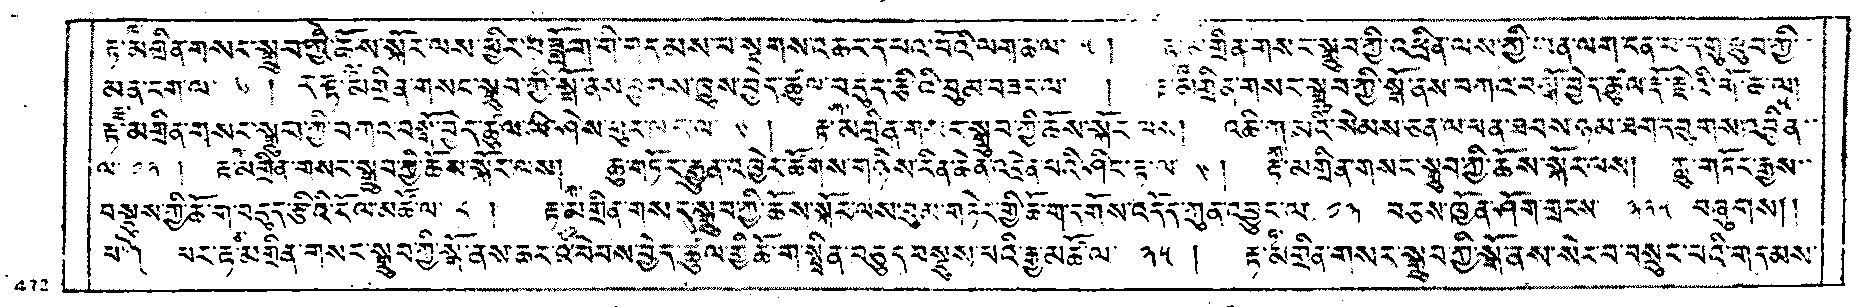ཁ་རྟ་མགྲིན་གསང་སྒྲུབ་ཀྱི་ཆོས་སྐོར་ལས་ཕྱིར་བཟློག་གི་གདམས་པ་སྔགས་འཆང་དཔའ་བོའི་ལག་ཆ་ལ ༥། ཏ་རྟ་མགྲིན་གསང་སྒྲུབ་ཀྱི་འཕྲིན་ལས་ཀྱི་ཡན་ལག་ངན་པ་དགུ་ཐུབ་ཀྱི་
མན་ངག་ལ ༦། ཉ་རྟ་མགྲིན་གསང་སྒྲུབ་ཀྱི་སྒོ་ནས་བྱབས་ཁྲུས་བྱེད་ཚུལ་བདུད་རྩིའི་བུམ་བཟང་ལ ༩། ཁ་རྟ་མགྲིན་གསང་སྒྲུབ་ཀྱི་སྒོ་ནས་བཀའ་བསྒོ་བྱེད་ཚུལ་རྡོ་རྗེའི་གོ་ཆ་ལ ༥།
ཇ་རྟ་མགྲིན་གསང་སྒྲུབ་ཀྱི་བཀའ་བསྒོ་བྱེད་ཚུལ་ཡེ་ཤེས་གུར་ཁང་ལ ༤། ཀ་རྟ་མགྲིན་གསང་སྒྲུབ་ཀྱི་ཆོས་སྐོར་ལས། འཆི་ཀ་མའི་སེམས་ཅན་ལ་ཕན་ཐབས་ཉམ་ཐག་དབུགས་འབྱིན་
ལ ༡༢། ཀ་རྟ་མགྲིན་གསང་སྒྲུབ་ཀྱི་ཆོས་སྐོར་ལས། ཆུ་གཏོར་རྒྱུན་འཁྱེར་ཚོགས་གཉིས་རིན་ཆེན་འདྲེན་པའི་ཤིང་རྟ་ལ ༤། ཁ་རྟ་ཀ་མགྲིན་གསང་སྒྲུབ་ཀྱི་ཆོས་སྐོར་ལས། ཀླུ་གཏོར་རྒྱས་
བསྡུས་ཀྱི་ཆོ་ག་བདུད་རྩིའི་རོལ་མཚོ་ལ ༨། ཀ་རྟ་མགྲིན་གསང་སྒྲུབ་ཀྱི་ཆོས་སྐོར་ལས་བུམ་གཏེར་གྱི་ཆོ་ག་དགོས་འདོད་ཀུན་འབྱུང་ལ ༡༣་བཅས་ཁྱོན་ཤོག་གྲངས ༣༢༥་བཞུགས། །
པ྄་པར་ཅ་རྟ་མགྲིན་གསང་སྒྲུབ་ཀྱི་སྒོ་ནས་ཆར་འབེབས་བྱེད་ཚུལ་གྱི་ཆོ་ག་སྤྲིན་བཅུད་བསྡུས་པའི་རྒྱ་མཚོ་ལ ༢༥། ཏ་རྟ་མགྲིན་གསང་སྒྲུབ་ཀྱི་སྒོ་ནས་སེར་བ་བསྲུང་བའི་གདམས་